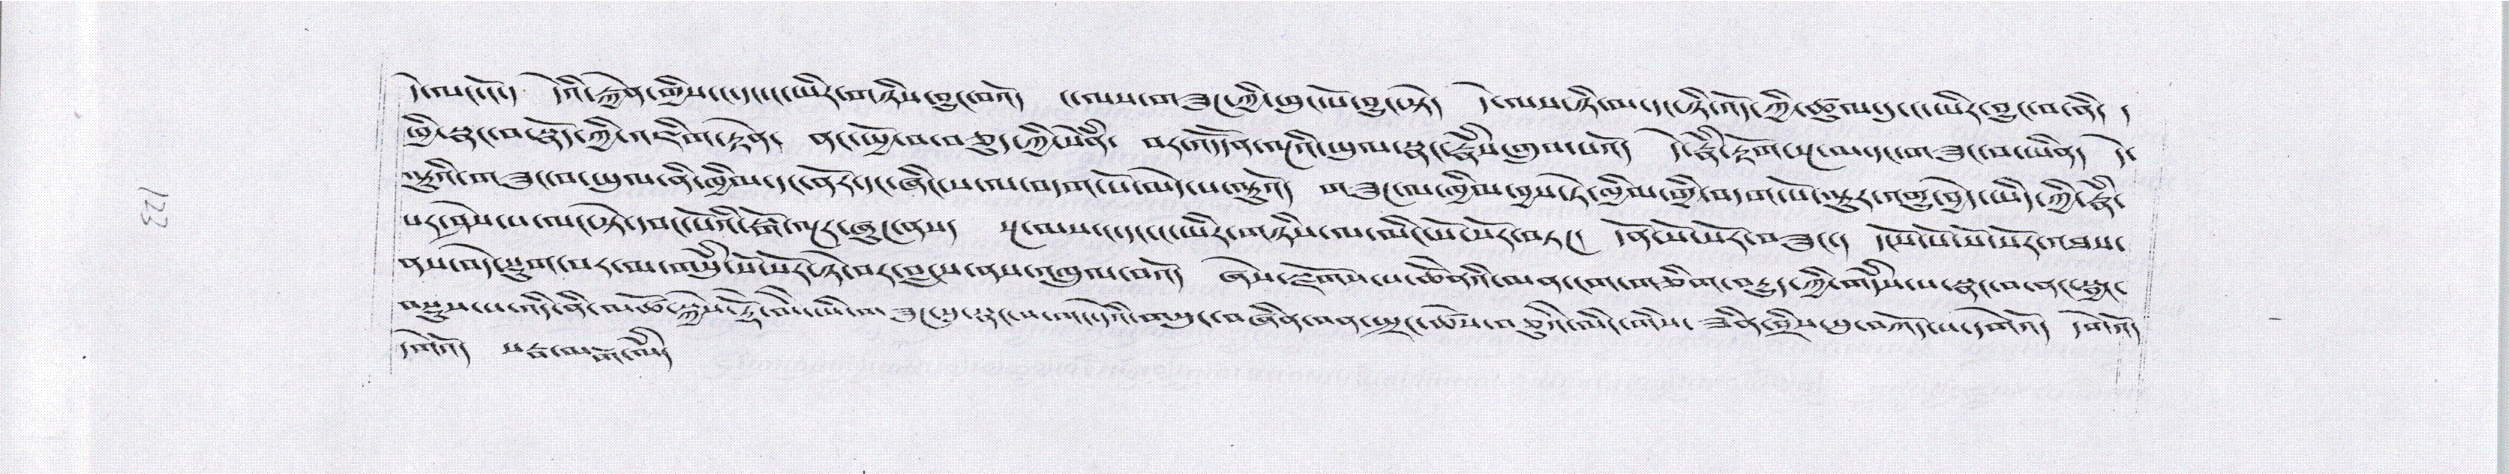དེ་ལང་ངོ་། དེའི་རྐྱེན་གྱིས་ང་དང་ང་ཡིར་གཉིས་བྱུང་བའོ། ང་ལས་གཟུགས་ཀྱི་ཕུང་པོ་བྱུང་སྟེ། དེ་ལས་ཉི་མ་དང་ཉི་འོད་ཀྱི་ཚུལ་དུ་ང་ཡིར་བྱུང་བ་ནི། 
ཕྱི་སྣང་བ་སྣོད་ཀྱི་འཇིག་རྟེན། ནང་གཡོ་བ་བཅུད་ཀྱི་སེམས་ཅན། བར་འདོད་ཡོན་ལྔ་ཡི་ཡུལ་སྣང་རྣམས་གྲུབ་པའོ། དེ་རྣམ་རྟོག་སྔ་མ་དང་གཟུང་བ་ཡིན། དེ་
ལྟ་བུའི་གཟུང་བ་ཡུལ་ནི་ཁྱིམ་དང་ནོར་དང་ཞིང་ས་ལ་བདག་པོ་མེད་པ་ལྟ་བུའོ། གཟུགས་ལ་ཁྱིམ་བྱས་ཏེ་ཁྱིམ་གྱི་བདག་པོ་ལྟ་བུར་འགྱུ་བྱེད་ཡིད་ཀྱི་རྣམ་
པར་ཤེས་པ་ལང་སྟེ་དབང་པོའི་སྒོ་ལྔར་ཞུགས་ནས། སྔ་མས་ང་དང་ང་ཡིར་ལ་མིང་སོ་སོར་བཏགས། དོན་སོ་སོར་བཟུང་། དངོས་པོ་སོ་སོར་འཐས་
ནས་བདེ་སྡུག་བར་མ་གསུམ་སོ་སོར་ཉེ་བར་བླངས་ནས་འཁྲུལ་པའོ། ཞེས་རྫོགས་པ་ཆེན་པོའི་མན་ངག་གཅིག་བརྒྱུད་ཀྱི་གདམས་པ་སྣང་བ་ནང་སྦྱོང་
བསྡུས་པ་འདི་ནི་མཚོ་སྐྱེས་རྡོ་རྗེ་མི་ཡི་གཟུགས་སུ་སྣང་བ་གང་དེའི་གསུང་བཞིན་བན་སྤྲང་ཚེས་བཅུའི་མིང་གིས་ཟིན་བྲིས་སུ་བཀོད་པ་དགེའོ། །
དགེའོ། །སརྦ་མངྒ་ལཾ། །